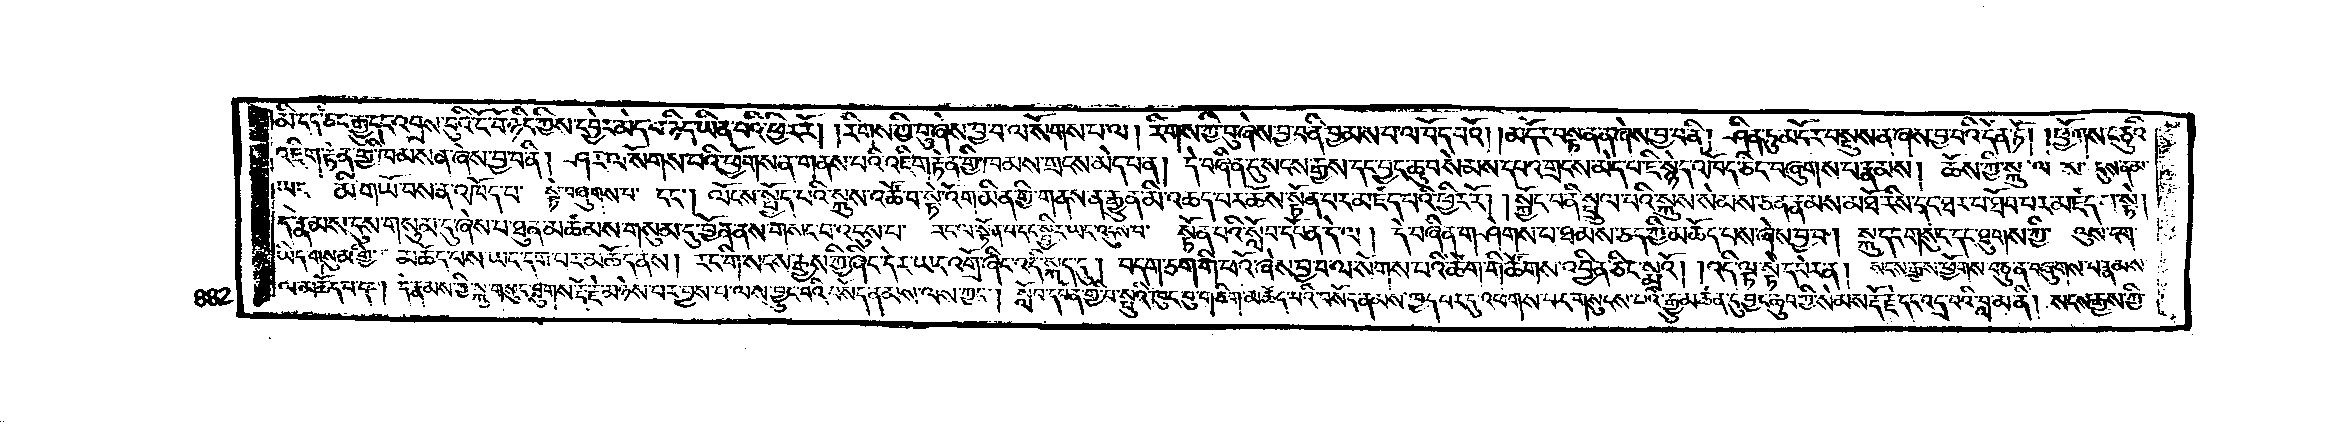མི་དད་ཅིང་རྒྱུ་དང་འབྲས་བུའི་ངོ་བོ་ཉིད་ཀྱིས་དབྱེར་མེད་པ་ཉིད་ཡིན་པའི་ཕྱིར་རོ། །རིགས་ཀྱི་བུ་ཞེས་བྱ་བ་ལ་སོགས་པ་ལ། རིགས་ཀྱི་བུ་ཞེས་བྱ་བ་ནི་བྱམས་པ་ལ་བོད་པའོ། །མདོར་བསྟན་ན་ཞེས་བྱ་བ་ནི། ཤིན་ཏུ་མདོར་བསྡུས་ན་ཞེས་བྱ་བའི་དོན་ཏོ། །ཕྱོགས་བཅུའི་
འཇིག་རྟེན་གྱི་ཁམས་ན་ཞེས་བྱ་བ་ནི། ཤར་ལ་སོགས་པའི་ཕྱོགས་ན་གནས་པའི་འཇིག་རྟེན་གྱི་ཁམས་གྲངས་མེད་པ་ན། དེ་བཞིན་དུ་སངས་རྒྱས་དང་བྱང་ཆུབ་སེམས་དཔའ་གྲངས་མེད་པ་ཇི་སྙེད་འཁོད་ཅིང་བཞུགས་པ་རྣམས། ཆོས་ཀྱི་སྐུ་ལས་དུས་ནམ་
ཡང་མི་གཡོ་བས་ན་འཁོད་པ་སྟེ་བཞུགས་པ་དང་། ལོངས་སྤྱོད་པའི་སྐུས་འཚོ་བ་སྟེ་འོག་མིན་གྱི་གནས་ན་རྒྱུན་མི་འཆད་པར་ཆོས་སྟོན་པར་མཛད་པའི་ཕྱིར་རོ། །སྐྱོང་བ་ནི་སྤྲུལ་པའི་སྐུས་སེམས་ཅན་རྣམས་མཐོ་རིས་དང་ཐར་པ་ཐོབ་པར་མཛད་པ་སྟེ།
དེ་རྣམས་དུས་གསུམ་དུ་ཞེས་པ་ཐུན་མཚམས་གསུམ་དུ་བྱོན་ནས་གསང་བ་འདུས་པ་རང་ལ་སྟོན་པ་དང་སྤྱིར་ཡང་འདུས་པ་སྟོན་པའི་སློབ་དཔོན་དེ་ལ། དེ་བཞིན་གཤེགས་པ་ཐམས་ཅད་ཀྱི་མཆོད་པས་ཞེས་བྱ་བ། སྐུ་དང་གསུང་དང་ཐུགས་ཀྱི་ལུས་ངག་
ཡིད་གསུམ་གྱི་མཆོད་པས་ཡང་དག་པར་མཆོད་ནས། རང་གི་སངས་རྒྱས་ཀྱི་ཞིང་དེར་ཡང་འགྲོ་ཞིང་འདི་སྐད་དུ། བདག་ཅག་གི་ཕའོ་ཞེས་བྱ་བ་ལ་སོགས་པའི་ཚིག་གི་ཚོགས་འབྱིན་ཅིང་སྨྲའོ། །འདི་ལྟ་སྟེ་དཔེར་ན། སངས་རྒྱས་ཕྱོགས་བཅུ་ན་བཞུགས་པ་རྣམས་
ལ་མཆོད་པ་དང་། དེ་རྣམས་ཀྱི་སྐུ་གསུང་ཐུགས་རྡོ་རྗེ་མཉེས་པར་བྱས་པ་ལས་བྱུང་བའི་བསོད་ནམས་ལས་ཀྱང་། སློབ་དཔོན་གྱི་བ་སྤུའི་ཁུང་བུ་གཅིག་མཆོད་པའི་བསོད་ནམས་ཁྱད་པར་དུ་འཕགས་པར་གསུངས་པའི་རྒྱུ་མཚན་དུ་བྱང་ཆུབ་ཀྱི་སེམས་རྡོ་རྗེ་དང་འདྲ་བའི་བླ་མ་ནི། སངས་རྒྱས་ཀྱི་